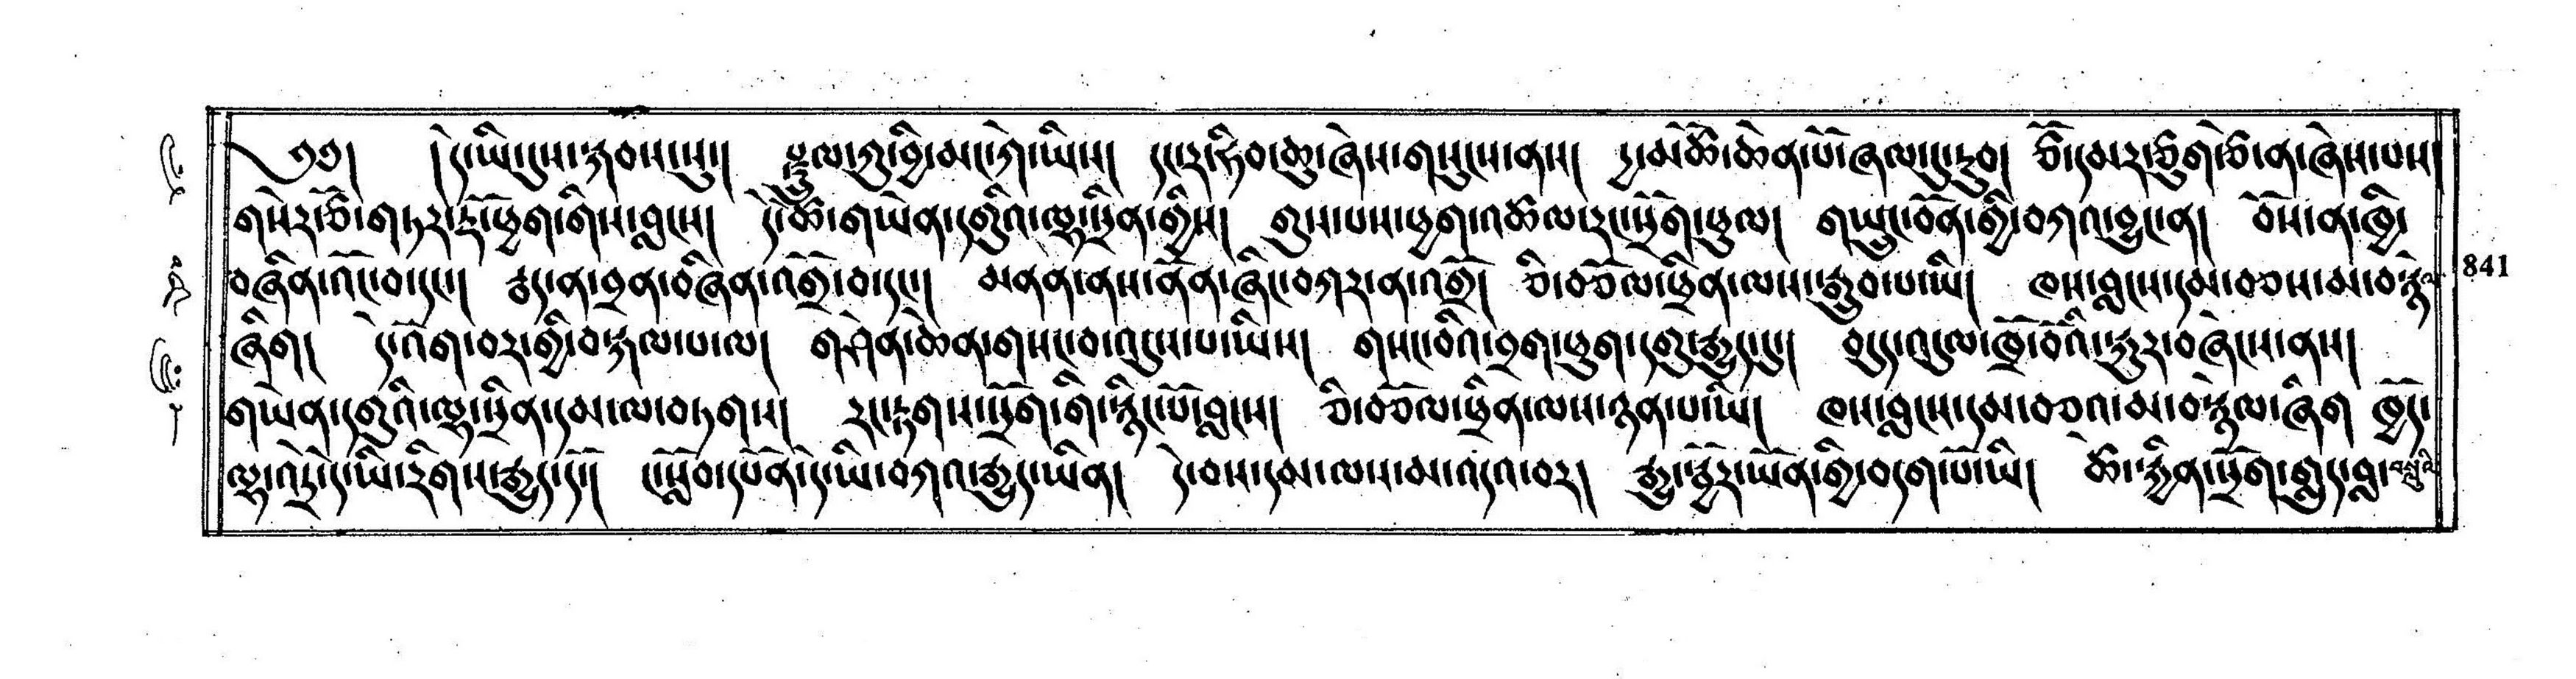དེ་ཡི་དུས་སྐབས་སུ། རྫུ་འཕྲུལ་ཀུ་བྱི་མང་ཀེ་ཡིས། དང་ར་ཧིབ་ཆུ་ཞེས་གསུངས་ནས། རྒྱ་མཚོ་ཆེན་པོ་ཞལ་དུ་རྔུབ། ཙོ་དམར་ཙུག་ཙེ་ན་ཞེས་པས་
གསེར་ཙོ་གཏར་རྡོ་ཕྱག་གིས་བླངས། དེ་ཚེ་གཡེན་དགུའི་ལྷ་སྲིན་གྱིས། གུས་པས་ཕྱག་འཚལ་རང་སྲོག་ཕུལ། གཡུང་དྲུང་བོན་གྱི་བཀའ་བྱུང་ན། བོས་ན་ཁྱི་
བཞིན་འོང་བ་དང་། རྦད་ན་བྲན་བཞིན་འགྲོ་བ་དང་། མནན་ནས་ནོན་ཞིང་བཀར་ན་འགྲོ། ཅི་བཅོལ་ཕྲིན་ལས་སྒྲུབ་པ་ཡི། ཁས་བླངས་དམ་བཅས་མ་བསྙེལ་
ཞིག དེ་འོག་བར་གྱི་བསྐལ་པ་ལ། གཤེན་ཆེན་གསང་བ་འདུས་པ་ཡིས། གསང་བའི་བྲག་ཕུག་དགུ་རྒྱུད་དུ། བདུད་འདུལ་ཁྲོ་བོའི་སྐུར་བཞེངས་ནས། 
གཡེན་དགུའི་ལྷ་སྲིན་དམ་ལ་བཏགས། རང་རྟགས་སྲོག་གི་སྙིང་པོ་བླངས། ཅི་བཅོལ་ཕྲིན་ལས་ཉན་པ་ཡི། ཁས་བླངས་དམ་བཅའ་མ་བསྙེལ་ཞིག ཁྱོད་
ལྷ་འདྲེ་དེ་ཡི་རིགས་རྒྱུད་དོ། ང་སློབ་དཔོན་དེ་ཡི་བཀའ་རྒྱུད་ཡིན། དེ་བས་དམ་ལས་མ་འདའ་བར། རྒྱུ་སྦྱོར་ཡོན་གྱི་བདག་པོ་ཡི། ཚེ་སྐྱིན་སྲོག་གླུད་བླ་བསླུའི་